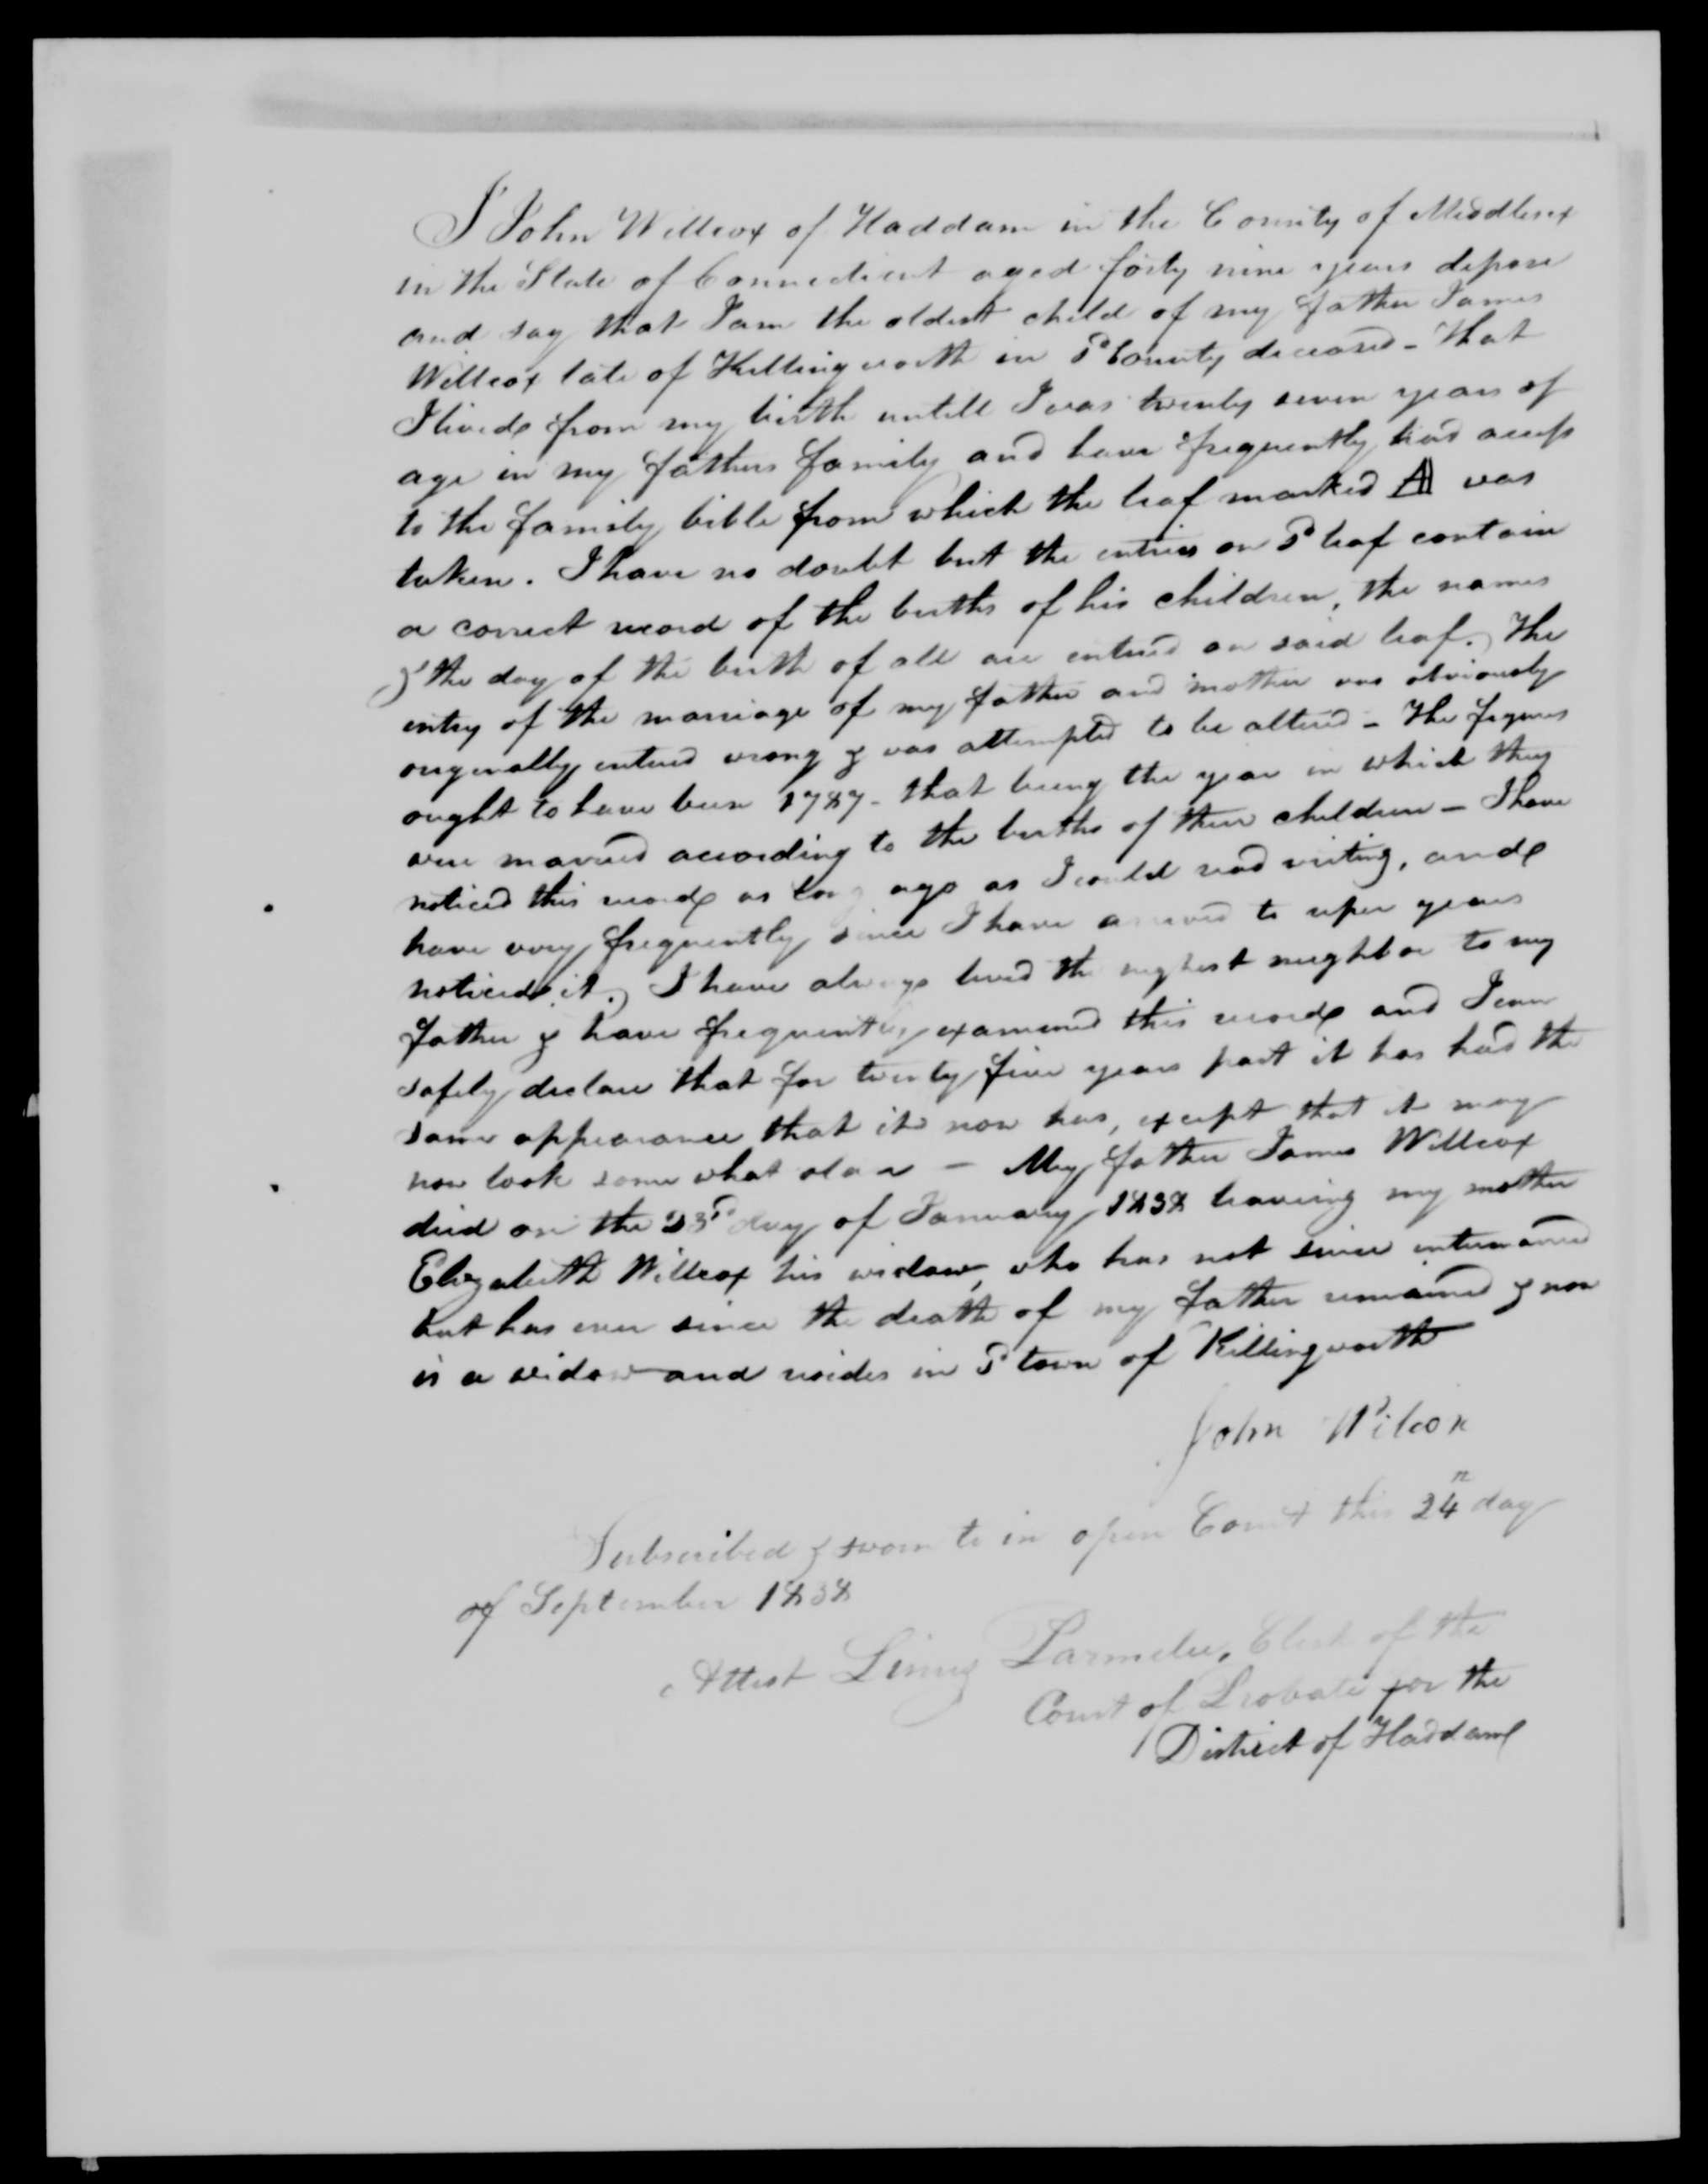I John Willcox of Haddam in the County of Middlesex in the State of Connecticut aged forty nine years depose and say that I am the oldest child of my father James Willcox late of Killingworth in sd County deceased. That I lived from my birth untill I was twenty seven years of age in my fathers family and have frequently had access to the family bible from which the leaf marked A was taken. I have no doubt but the entries on sd leaf contain a correct record of the truth of his children the names of the day of the birth of all are entered on said leaf. The entry of the marriage of my father and mother was obviously originally entered wrong & was attempted to be altered. The figures ought to have been 1787, that being the year in which they were married according to the births of their children. I have noticed this record as long ago as I could read writing, and have very frequently since I have arraved to upon years noticed it. I have always lived the my last might a to my father & have frequently examened this record and I can safely declare that for twenty five years past it has had the same appearance that it now has, except that it may now took some what older—My father James Willcox died on the 23rd day of January 1838 leaving my mother Elizabeth Willcox his widow, who has not since entermarried but has ever since the death of my father remained & now is a widow and resides in sd town of Killingworth.
John Wilcox
Subscribed & sworn to in open Court this 24th day of September 1838
Attest Linus Parmelee, Clerk of the Court of Probate for the District of Haddam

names: John Willcox, John Wilcox, Elizabeth Willcox, Linus Parmelee, James Willcox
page: 11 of 46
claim: widow's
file: W. 18,417, James Willcox, Conn.